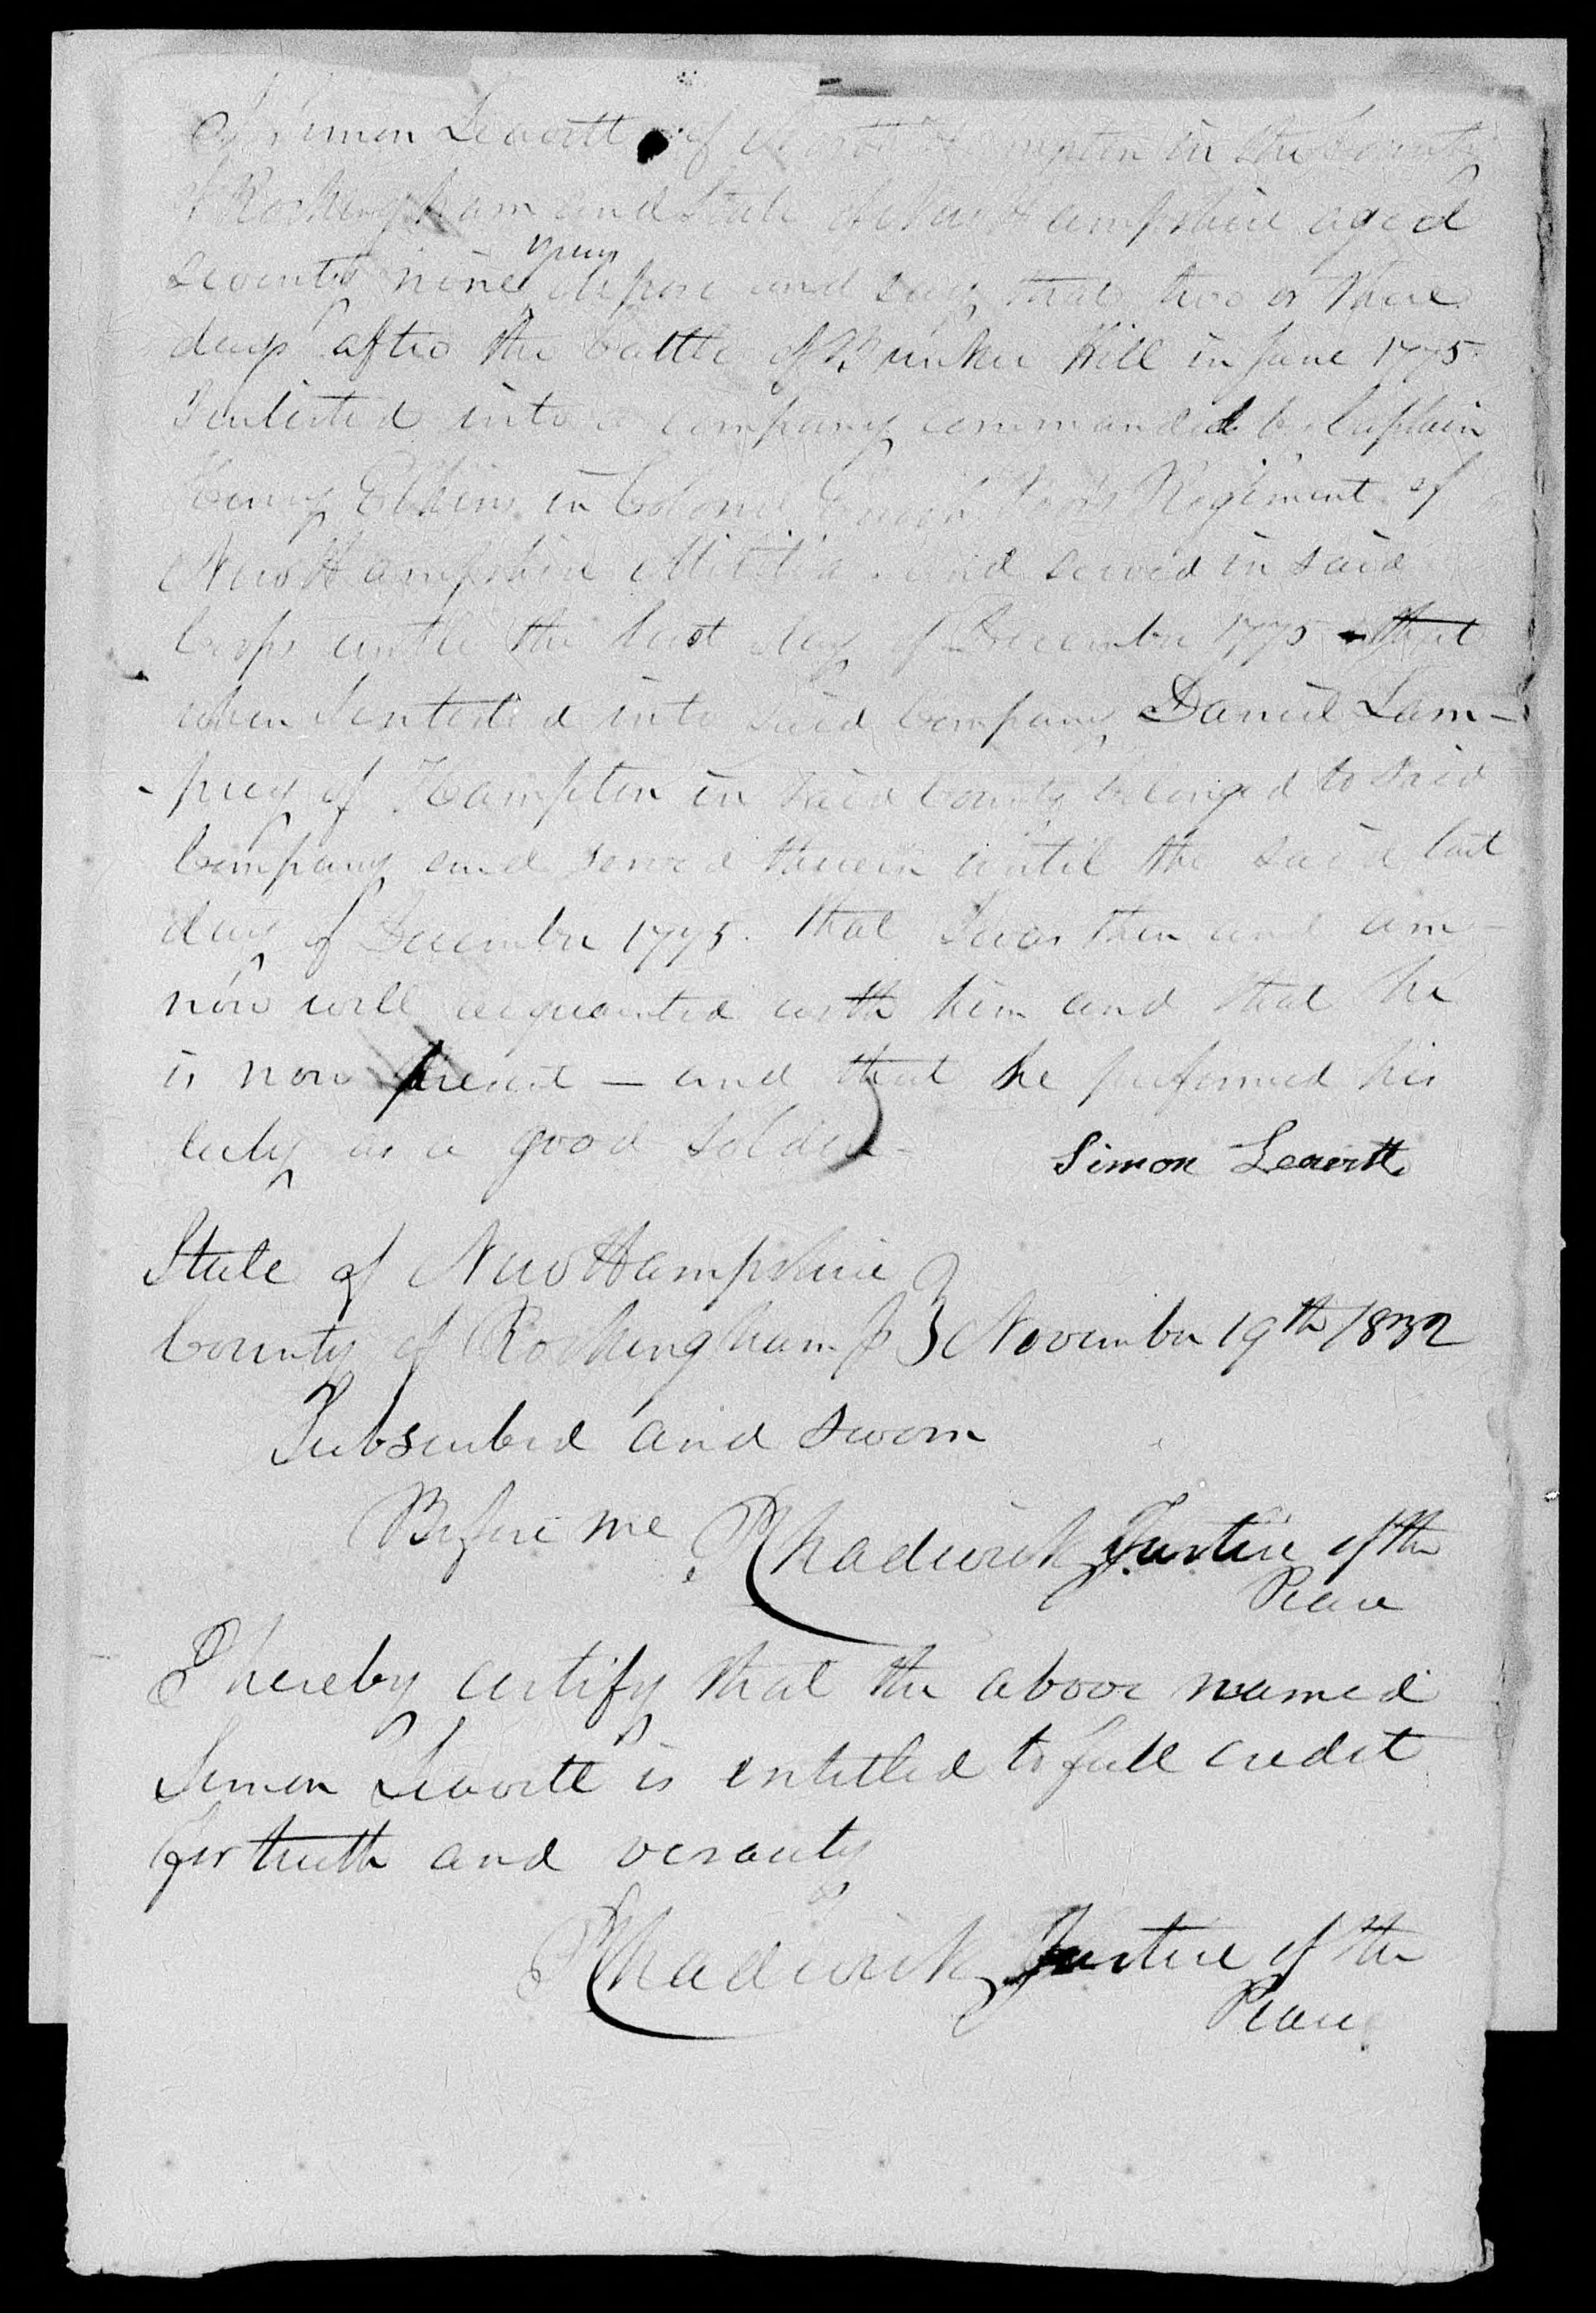I Simon Leavitt of North Hampton in the County of Rockingham and State of Hampshire aged seventy nine years depose and say that two or there [THREE] days after the battle of Bunker Hill in June 1775 I enlisted into a company commanded by Captain Henry Elkins in Colonel Enoch Poor's Regiment of New Hampshire Militia and served in said Corps until the last day of December 1775 - that
when I entered into said Company Daniel Lamprey of Hampton in said County belonged to said Company and served therein until the said last day of December 1775. that I was then and now well acquainted with him and that he
is now [illegible] - and that he performed his
duty as a good soldier
Simon Leavitt

State of New Hampshire
County of Rockingham Ss⎬ November 19th 1832 Subscribed and sworn Before me P Chadwick Justice of the Peace
I hereby certify that the above named
Simon Leavitt is entitled to full credit for truth and veracity

P. Chadwick Justice of the Peace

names: Henry Elkins; Simon Leavett; P Chadwick; Daniel Lampery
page: 48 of 53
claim: widow's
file: W. 492, for Daniel Lamprey, New Hampshire